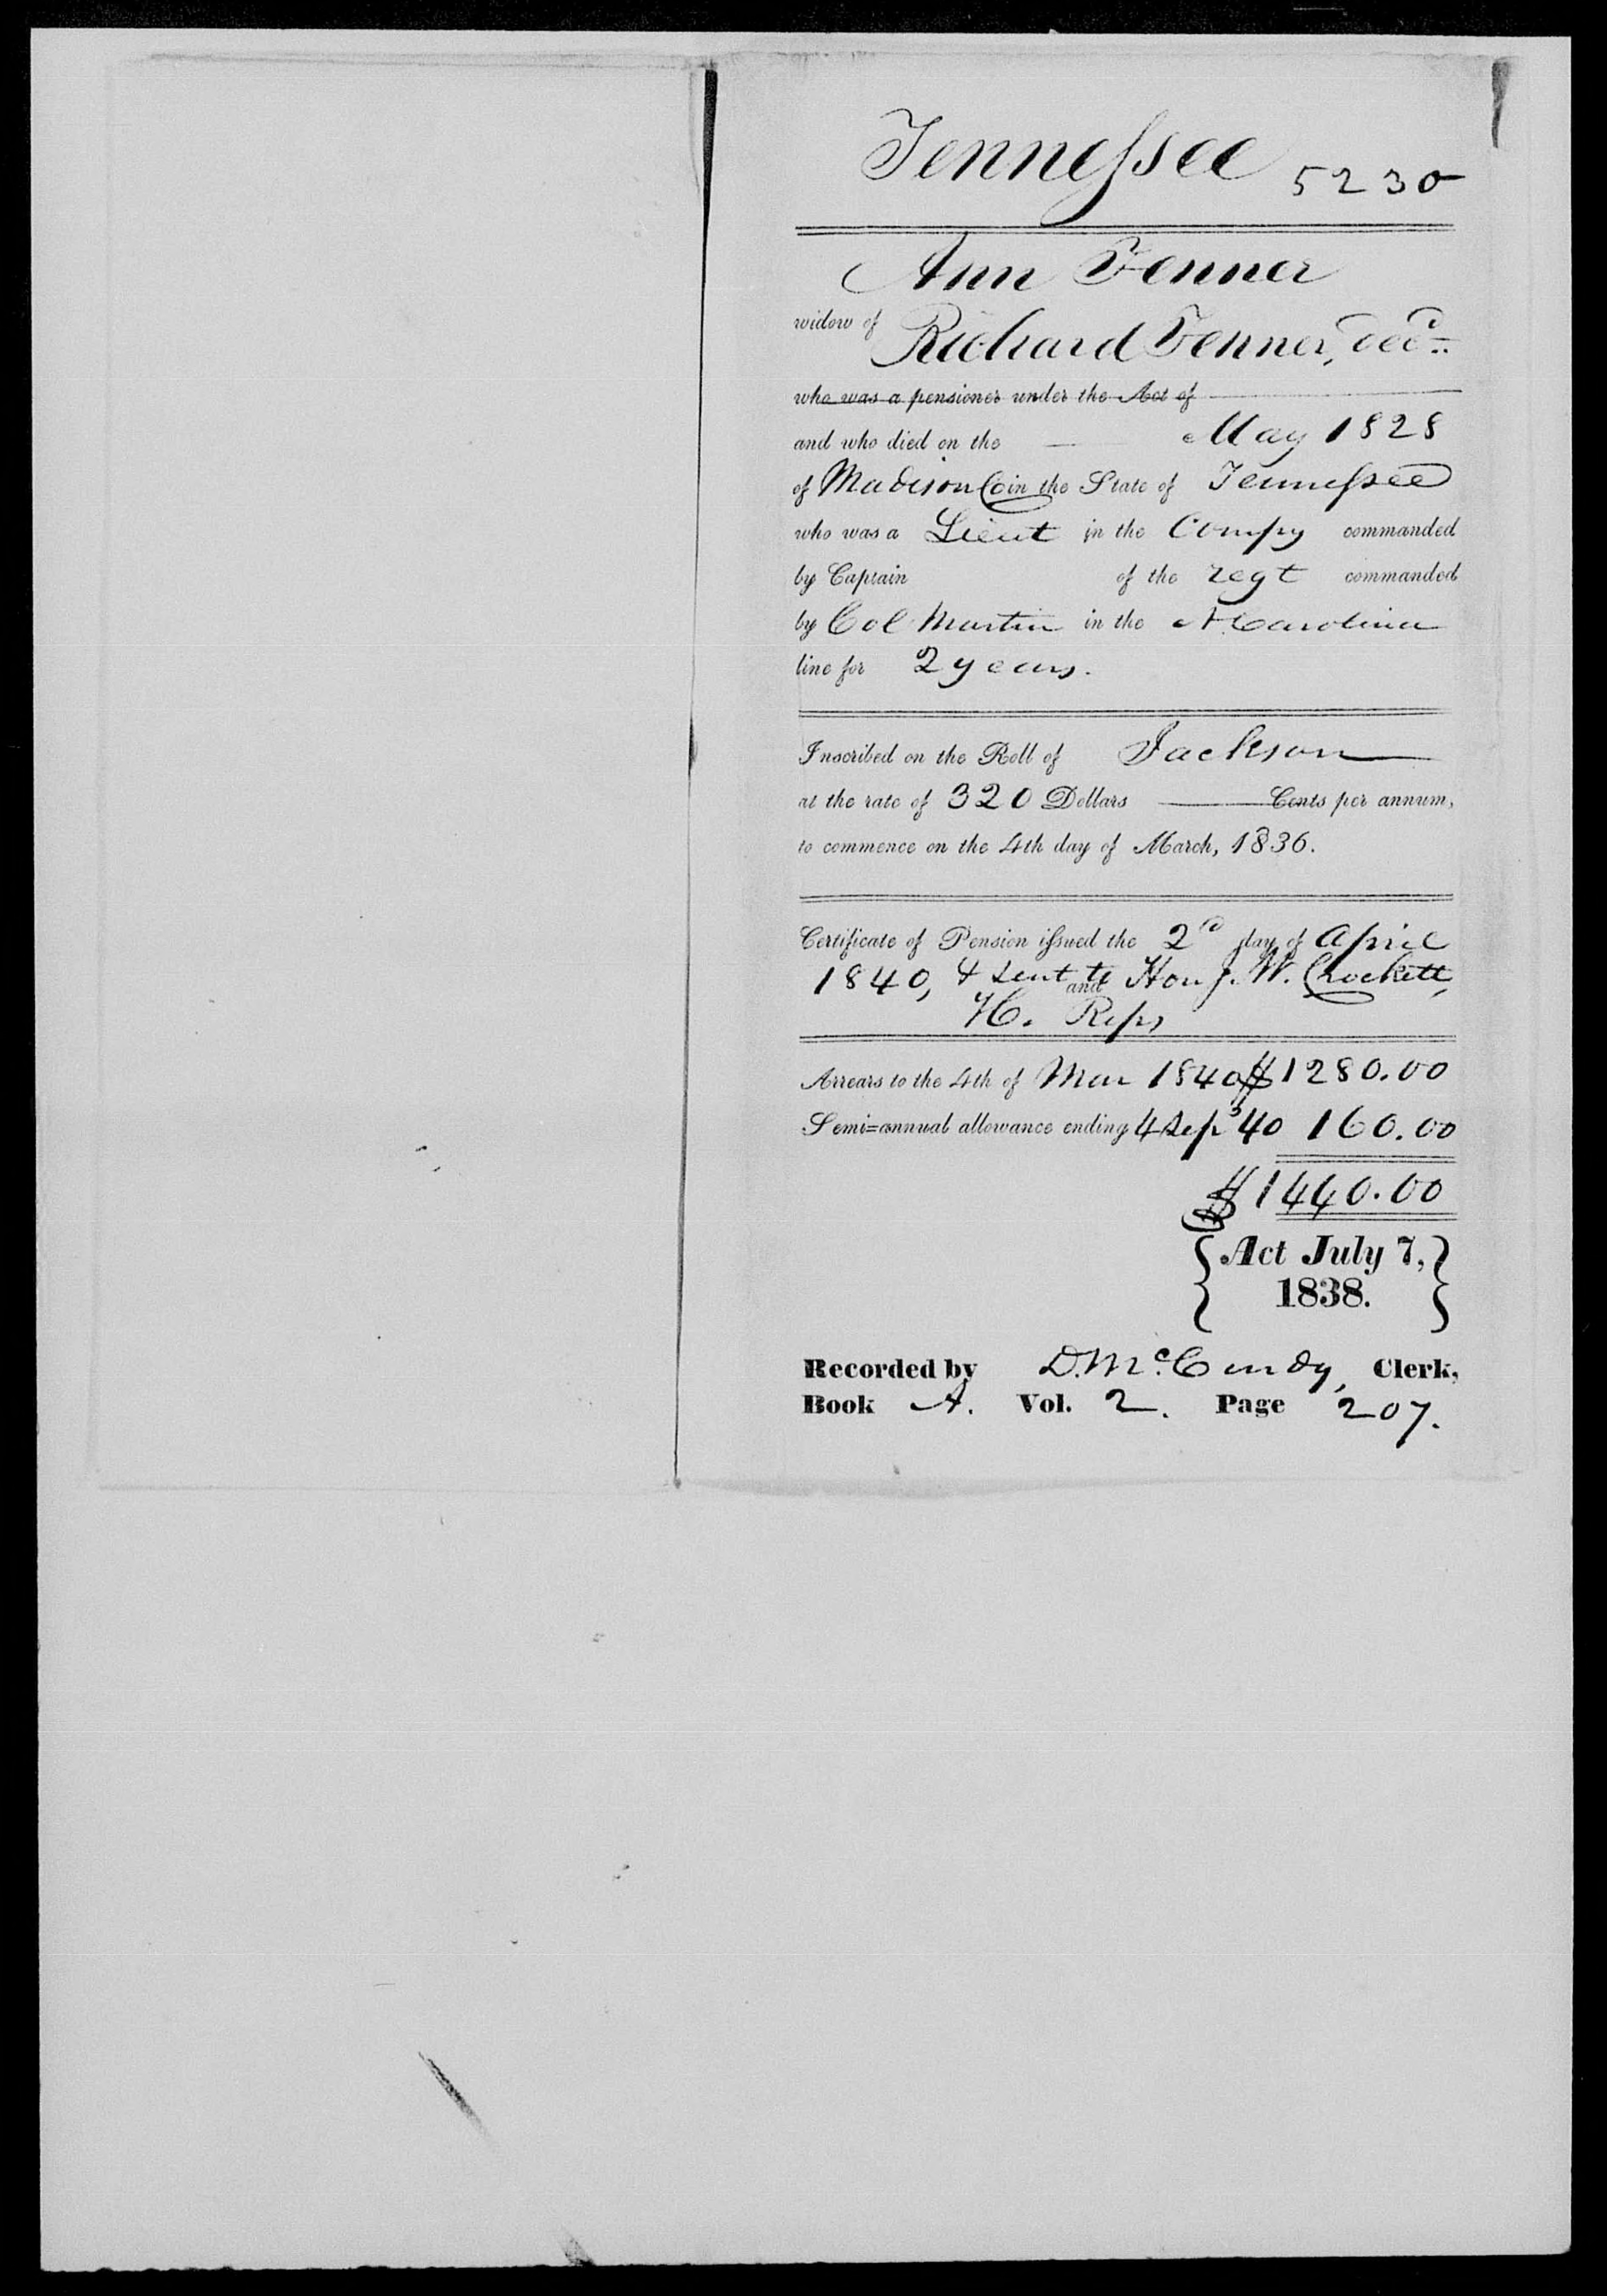5230

Tennessee

Ann Fenner
widow of Richard Fenner, decd.
was was a pensioner under the Act of _
and who died on the - May 1828
of Madison Co in the State of Tennessee
who was a Lieut in the company commanded
by Captain _ of the regt commanded
by Col Martin in the N. Carolina
line for 2 years.

Certificate of Pension issued the 2nd day of April
1840, & sent to Hon J. W. Crockett, H. Reps.
and

Arrears to the 4th of Mar 1840    $1280.00
Semi=annual allowance ending 4 Sep '40  160.00
---
$1440.00

(Act July 7, 1838)

Recorded by D. McCurdy, Clerk,
Book A. Vol. 2. Page 207.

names: Ann Fenner, Martin, Richard Fenner, D Mc Curdy, J W Crockett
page: 15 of 39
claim: widow's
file: W. 789, Richard Fenner, N.C.